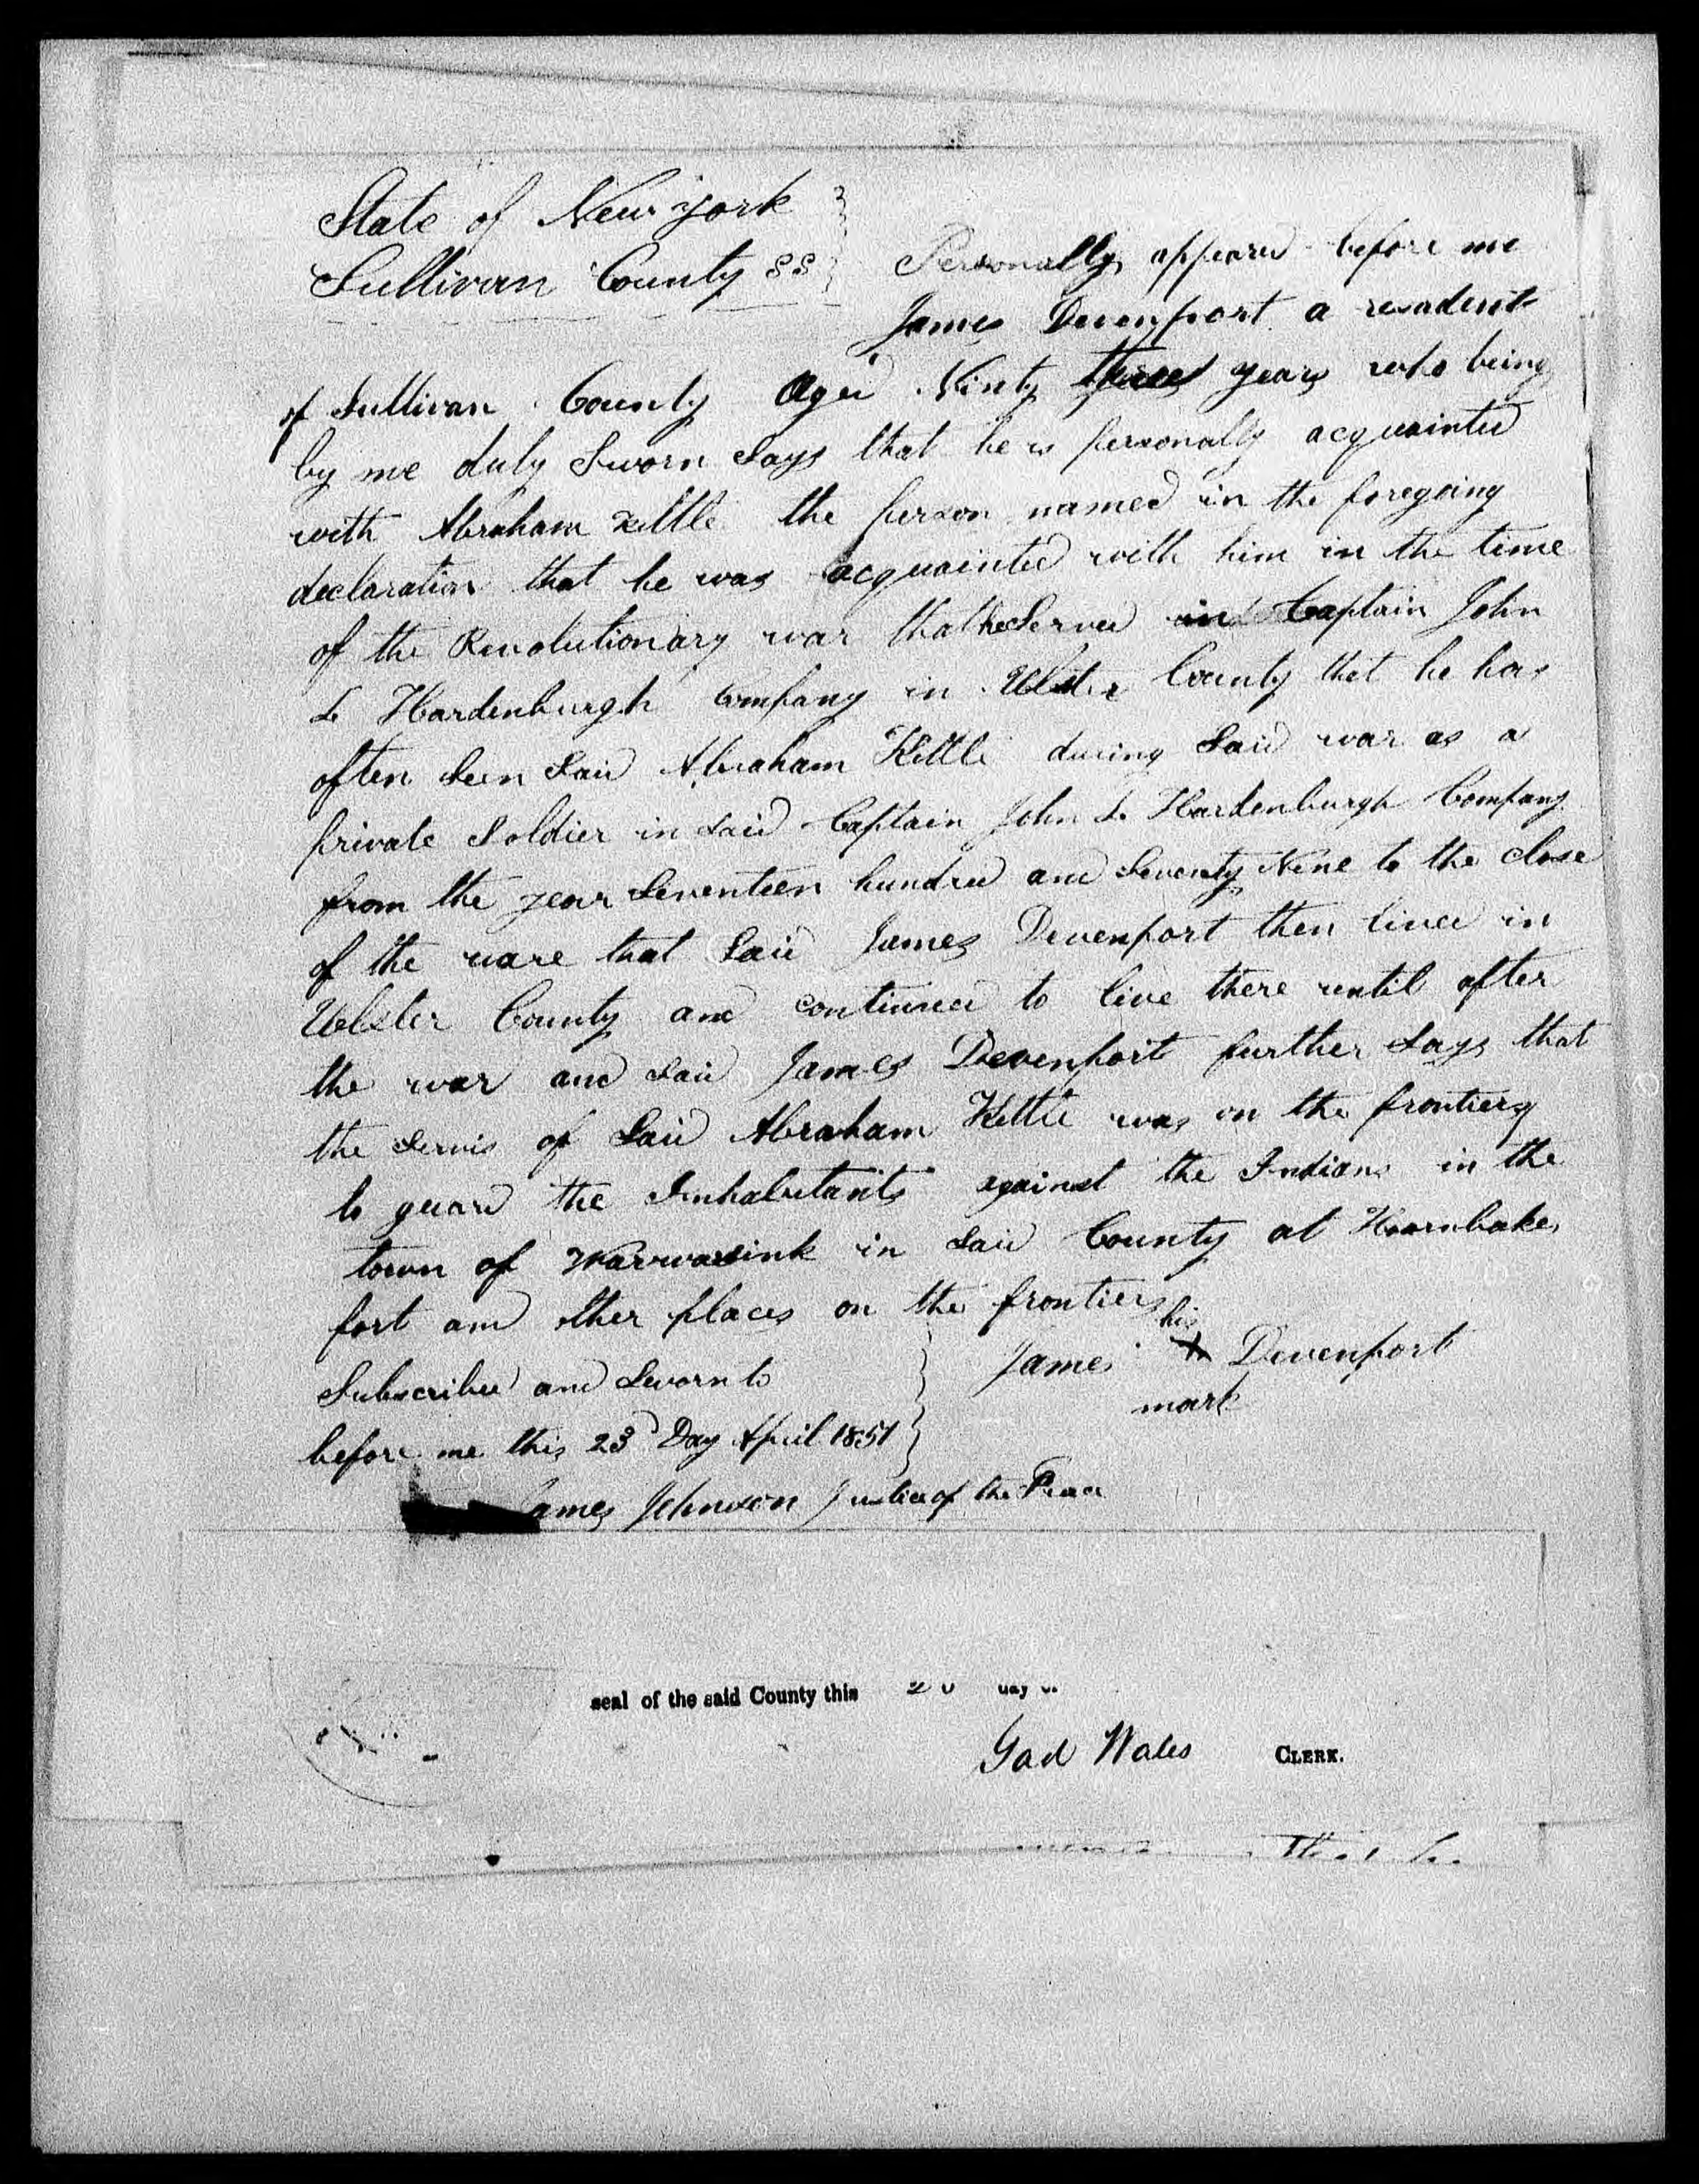State of New York Sullivan County SS Personally appeared before me James Devenport a resident of Sullivan County aged ninety three years who being by me duly sworn says that he is personally acquainted  with Abraham Kittle the person named in the foregoing declaration that he was acquainted with him in the time of the Revolutionary war that he served in Captain John L Hardenburgh Company in Ulster County that he has often seen said Abraham Kittle during said war as a private soldier in said Captain John L. Hardenburgh Company from the year seventeen hundred and Seventy Nine to the close of the war that said James Devenport then since in Ulster County and continued to live there until after the war that said James Devenport then lives in Ulster County and continues to live there until after the war and said James Davenport further says that the service of said Abraham Kittle was on the frontier to guard the Inhabitants against the Indians in the town of Warwarsink in the County at Hornbake fort and other places on the frontier.
 Subscribed and sworn  before me this 23d Day April 1851
 James his mark Davenport
 James Johnson Justice of the Peace 
seal of the said County this day 
Gad Wales CLERK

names: James Devenport; Abraham Kittle; James Johnson; Gad Wales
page: 9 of 18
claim: rejected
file: R. 6002, for Abraham Kittle, New York